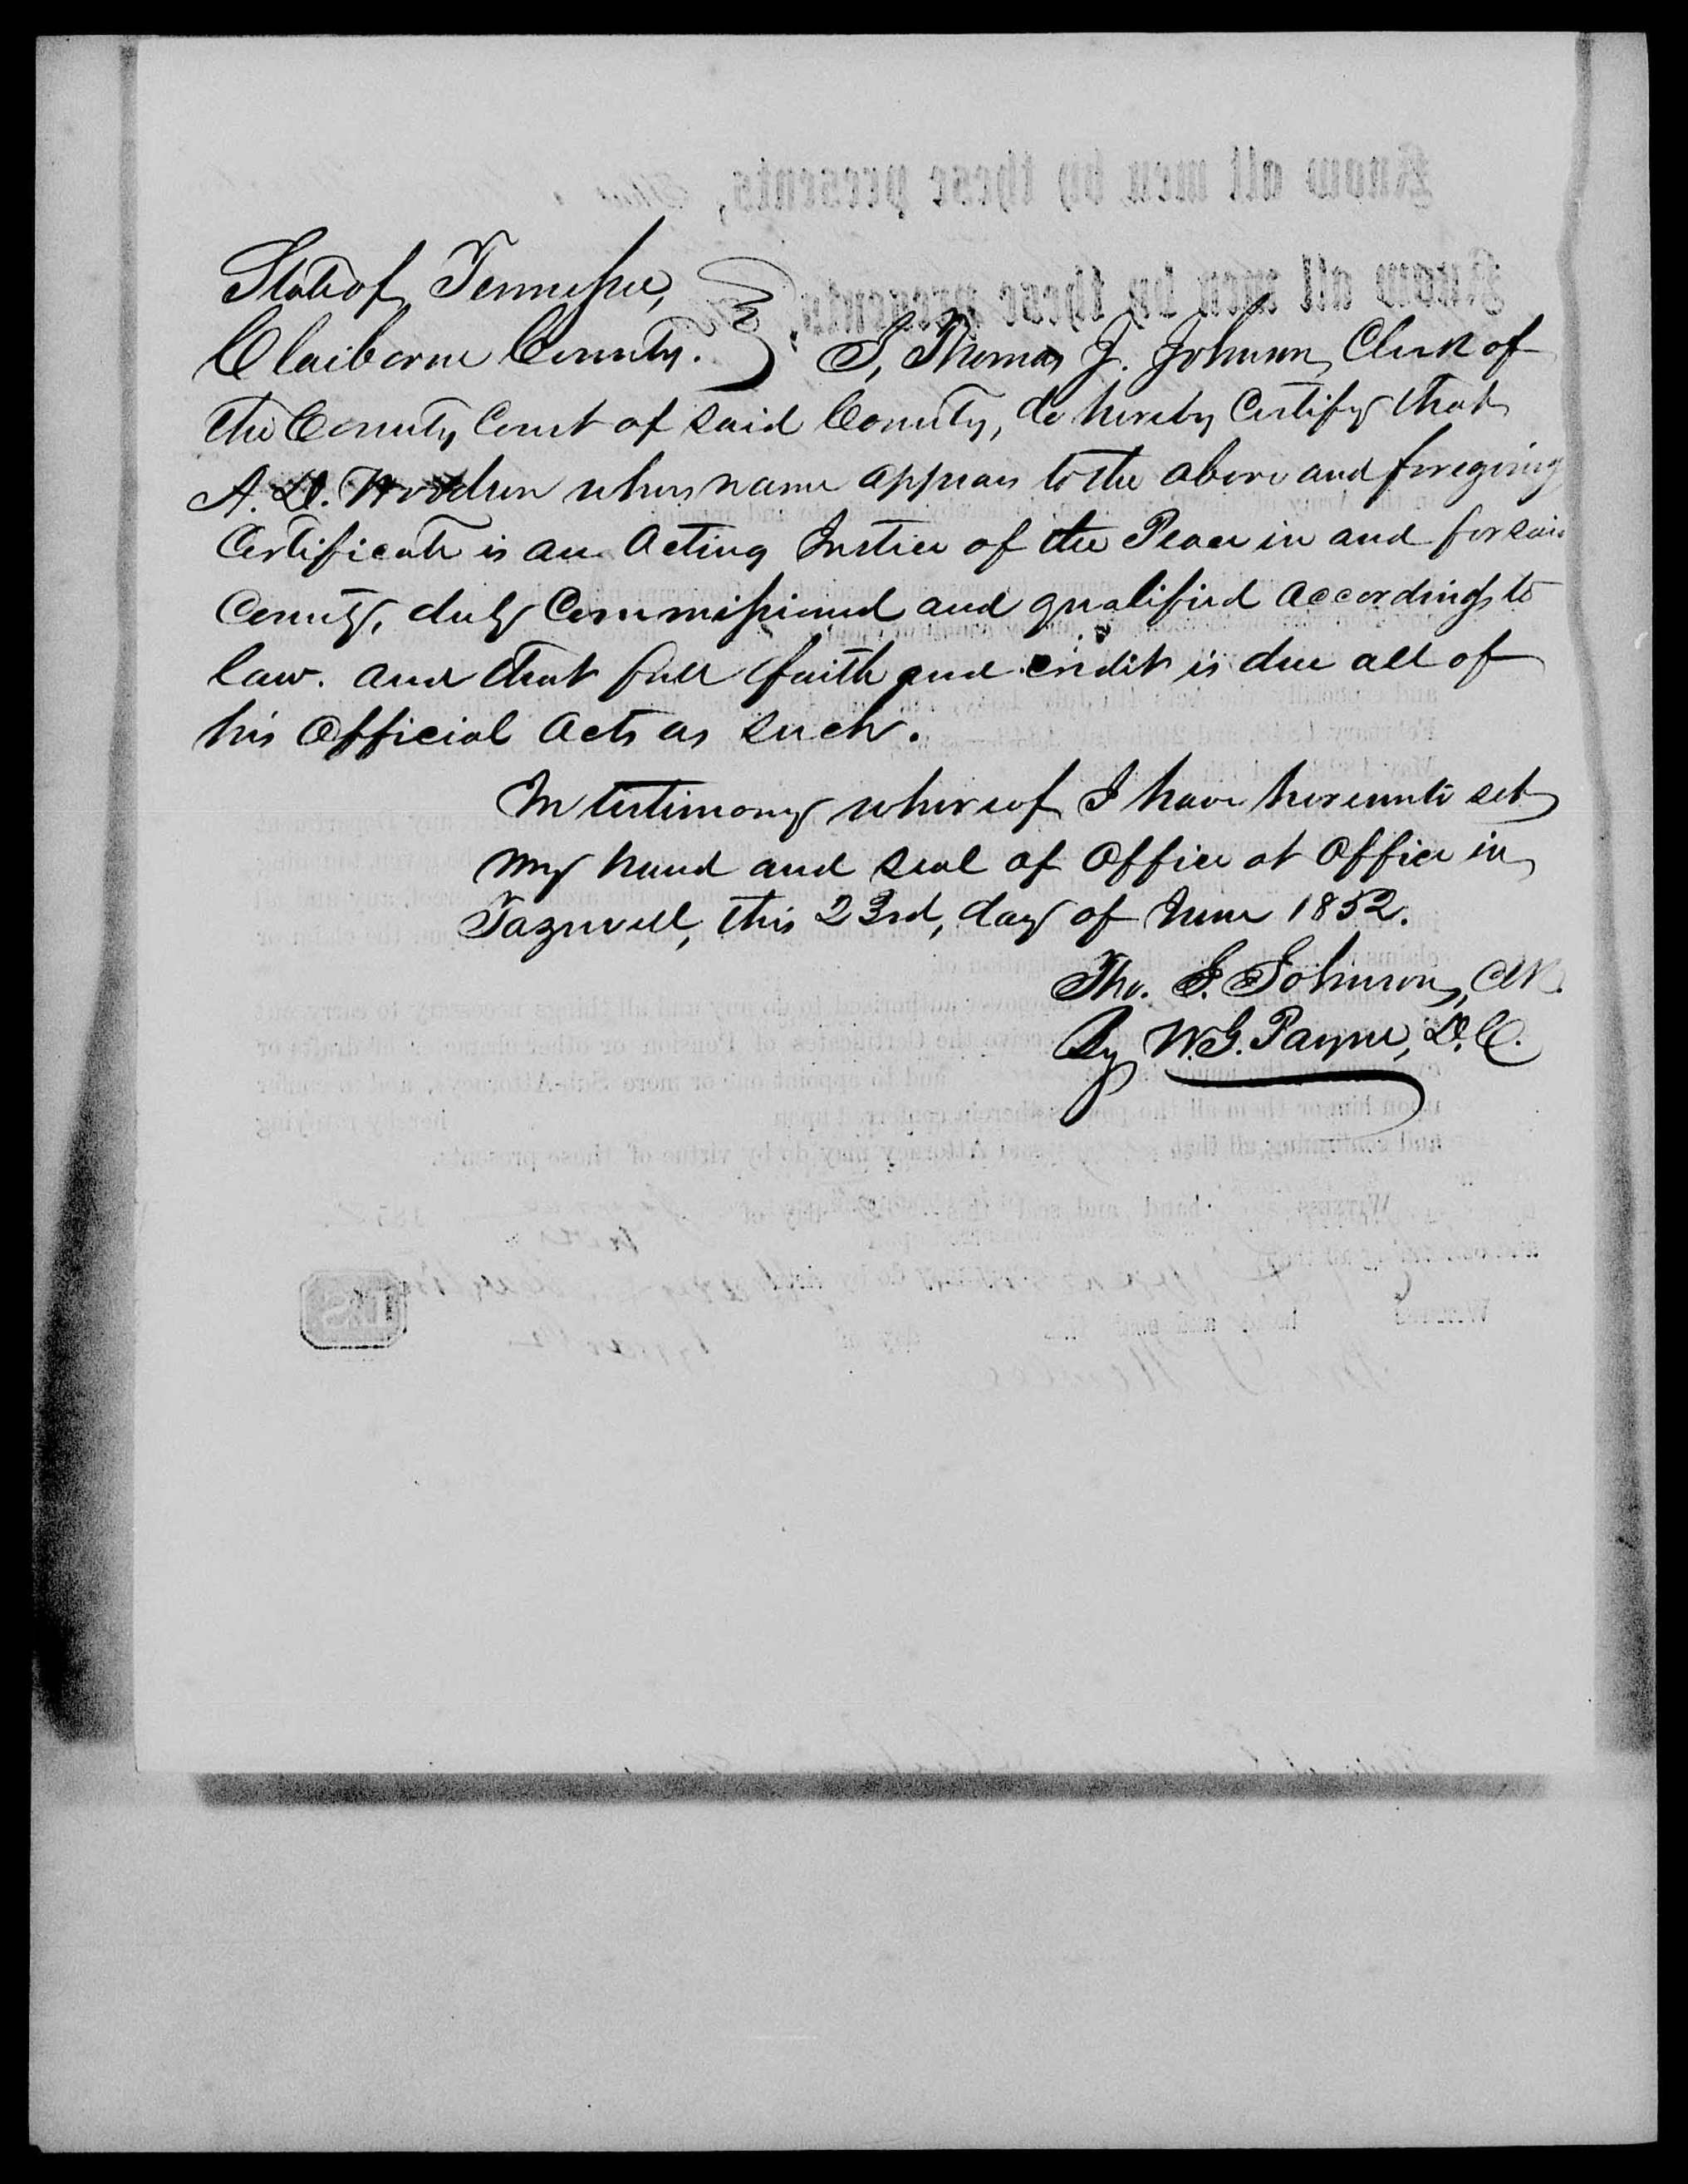State of Tennessee  )
Claiborne County     )
I, Thomas J. Johnson, Clerk of
the County Court of said County, do hereby certify that
A. D. Woodson whose name appears to the above and foregoing
Certificate is an Acting Justice of the Peace in and for said
County, duly Commissioned and qualified according to
law, and that full faith and credit is due all of
his official Acts as such.
In testimony whereof I have hereunto set
my hand and seal of Office at Office in
Tazwell, this 23rd day of June 1852.
Tho. S. Johnson, Clk
by W. G. Payne, D.C.C.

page: 116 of 120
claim: widow's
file: W. 1044, for Salathiel Martin, North Carolina